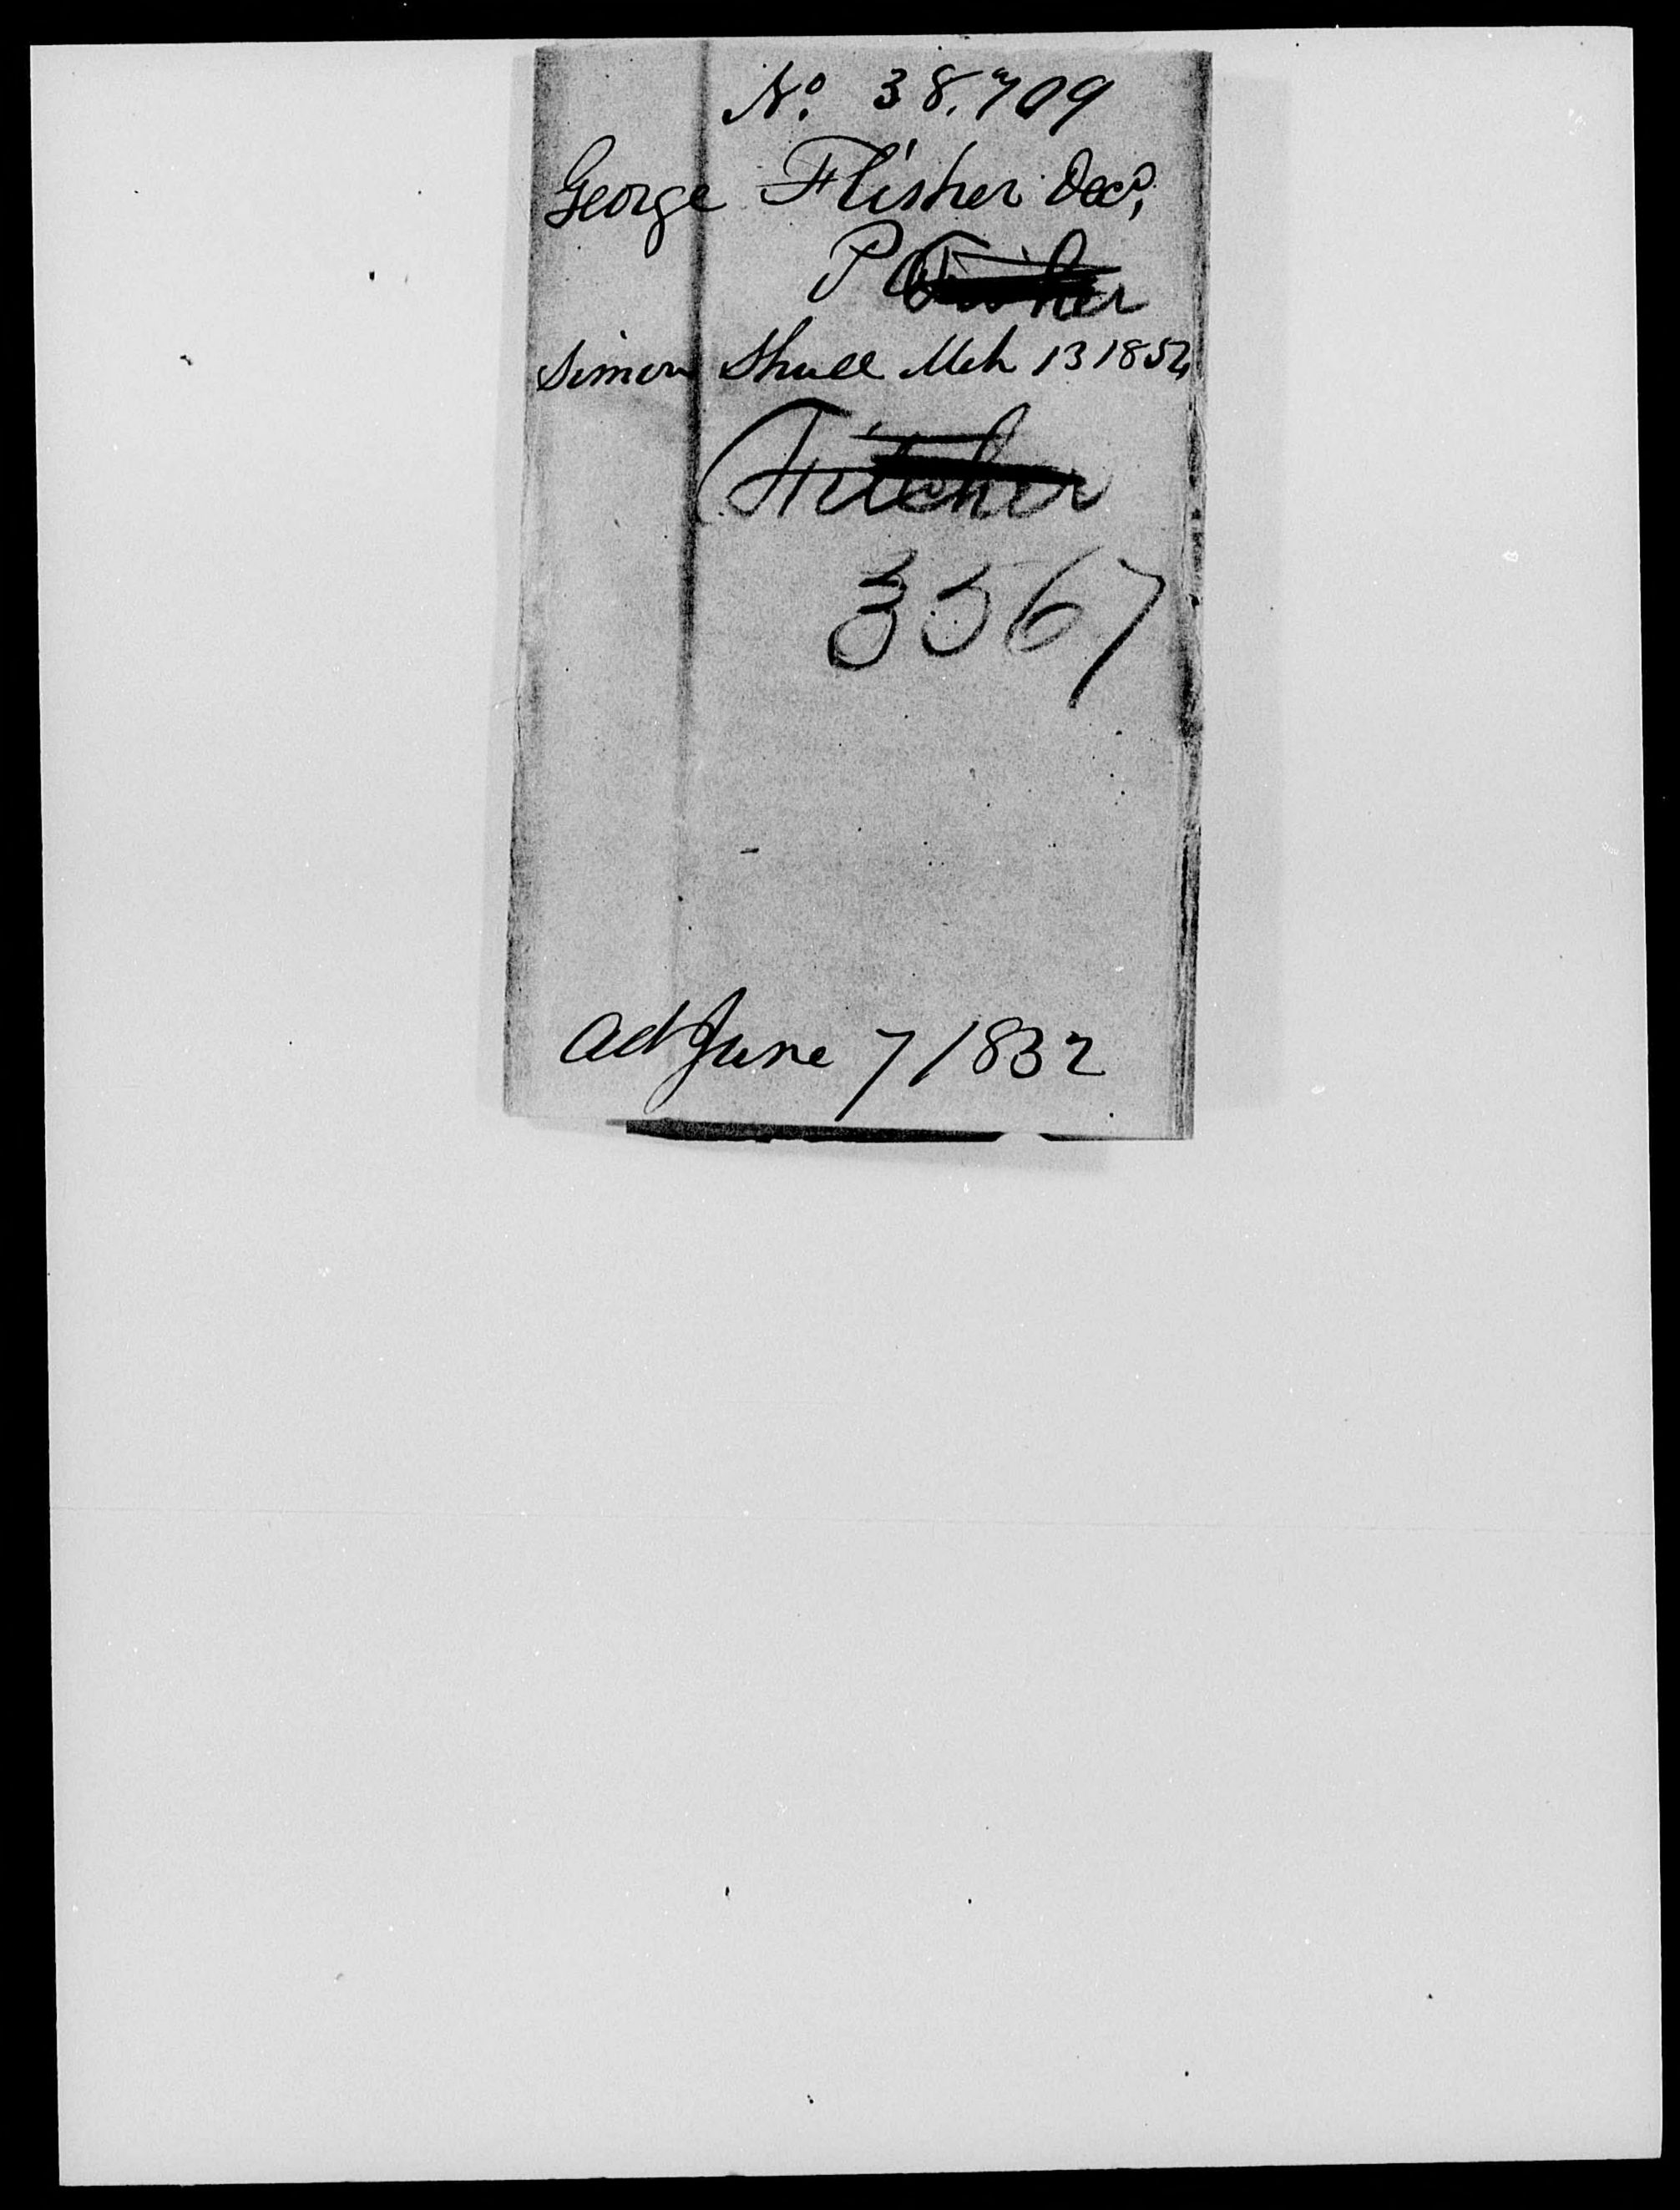No. 38.709
George Flisher decd

Simon Shull March 13, 1854

3567

Act June 7, 1832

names: George Flisher, Fitcher, Simon Shull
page: 7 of 7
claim: rejected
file: R. 3,567, Flisher George, Penn.